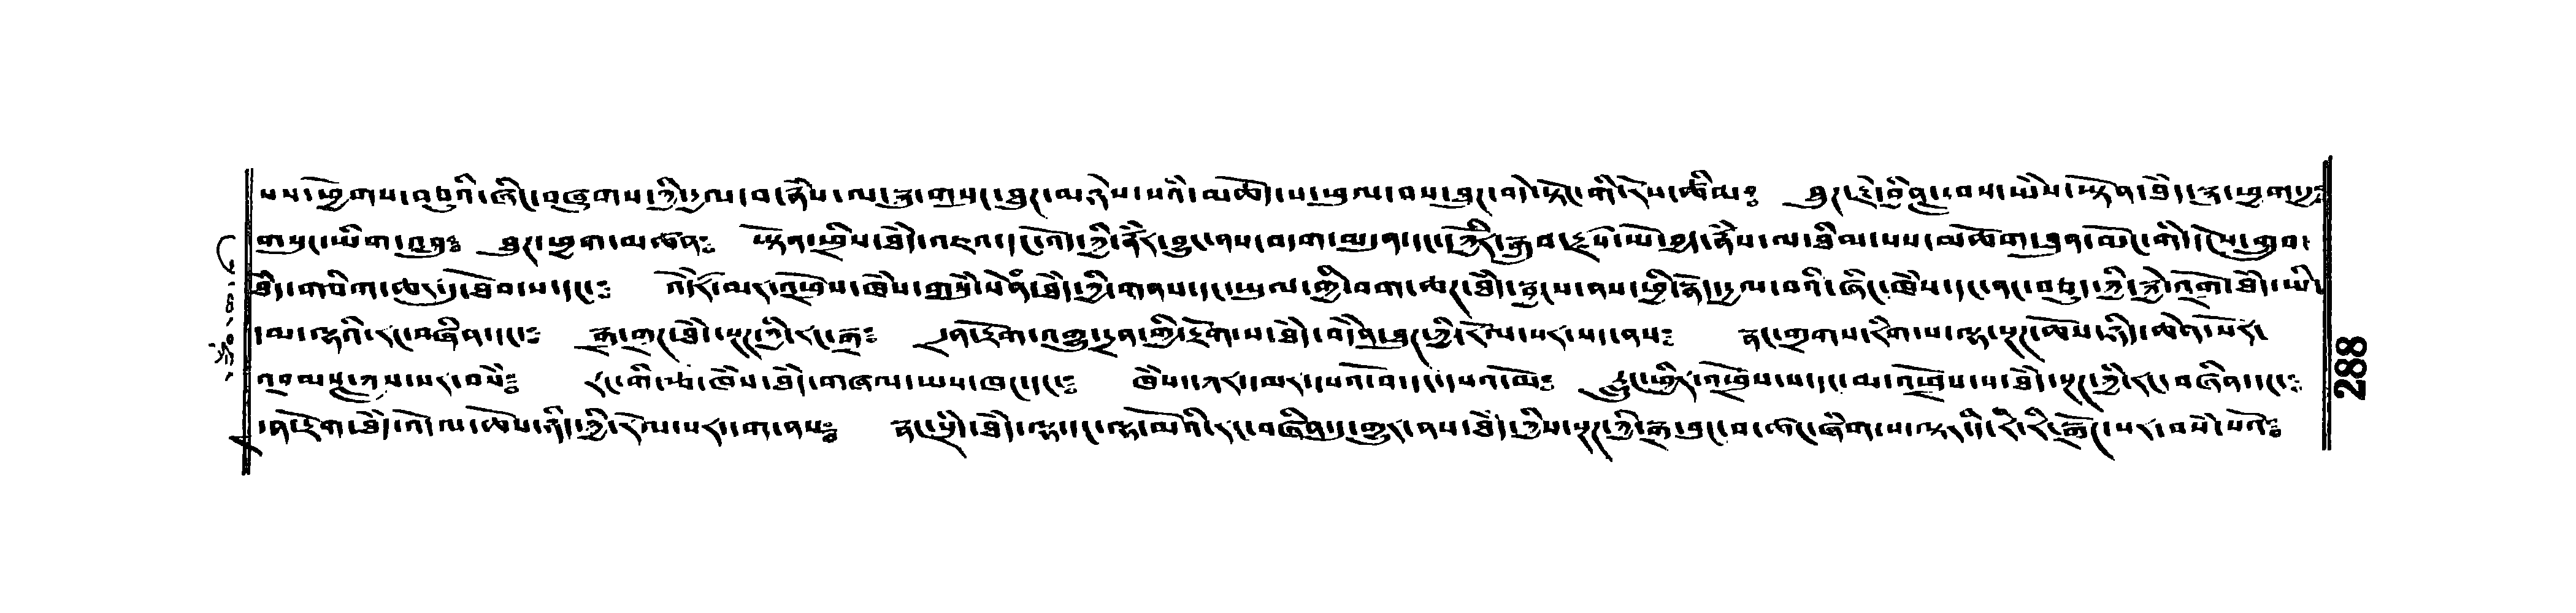པས་ཕྱོགས་བཅུའི་ཞིང་བཞུགས་ཀྱི་རྒྱལ་བ་རྣམས་ལ་སྐུ་གསུང་ཐུགས་མཉེས་པའི་མཆོད་པ་ཕུལ་བས་ཐུགས་བདེ་སྟོང་གི་རོས་ཚིམ༔ ཐུགས་རྗེ་བྱིན་རླབས་ཡེ་ཤེས་ཡོན་ཏན་ཐམས་ཅད་སྐུ་ཕྱག་རྒྱ༔ 
གསུང་ཡིག་འབྲུ༔ ཐུགས་ཕྱག་མཚན༔ ཡོན་ཏན་ཕྲིན་ལས་ཐམས་ཅད་འཇའ་དང་འོད་ཀྱི་རྣམ་པར་བྱུང་ནས་བདག་མདུན་དང་དཀྱིལ་འཁོར་སྒྲུབ་རྫས་ཡོ་བྱད་རྣམས་ལ་ཐིམ་པས་མཆོག་ཐུན་མོང་གི་དངོས་གྲུབ་
ཐམས་ཅད་གཅིག་ཆར་དུ་ཐོབ་པ་དང༔ འོད་ཟེར་མར་འཕྲོས་ཁམས་གསུམ་སེམས་ཅན་ཐམས་ཅད་ཀྱི་གནས་དང་ཡུལ་གྱི་བག་ཆགས་ཐམས་ཅད་སྦྱངས་ནས་ཕྱི་སྣོད་རྒྱལ་བའི་ཞིང་ཁམས་དང་ནང་བཅུད་ཀྱི་སྐྱེ་འགྲོ་ཐམས་ཅད་ཡི་
དམ་ལྷའི་རང་བཞིན་དང༔ སྒྲ་གྲགས་ཐམས་ཅད་སྔགས་ཀྱི་རང་སྒྲ༔ དྲན་རྟོག་འགྱུ་དྲན་གྱི་རྟོག་པ་ཐམས་ཅད་བདེ་ཆེན་ཐུགས་ཀྱི་རོལ་པར་སད་ནས༔ སྣང་གྲགས་རིག་པ་ལྷ་སྔགས་ཆོས་ཉིད་ཆེན་པོར་
འབྱམས་ཀླས་པར་བསམ༔ རང་གི་རྩ་ཁམས་ཐམས་ཅད་གཞལ་ཡས་ཁང་དང༔ ཁམས་དཀར་དམར་དཔའ་བོ་དང་དཔའ་མོ༔ རླུང་ཕྱིར་འཕྲོས་པ་དང་མ་འཕྲོས་པ་ཐམས་ཅད་སྔགས་ཀྱི་རང་བཞིན་དང༔ 
དྲན་རྟོག་ཐམས་ཅད་འོད་གསལ་ཆོས་ཉིད་ཀྱི་རོལ་པར་དག་ནས༔ སྣང་སྲིད་ཐམས་ཅད་ལྷ་དང་ལྷ་མོའི་རང་བཞིན་དུ་གྱུར་ནས་ཐམས་ཅད་ཀྱིས་སྔགས་ཀྱི་སྒྲ་བུང་བ་ཚང་ཞིག་པ་ལྟར་དི་རི་རི་སྒྲོགས་པར་བསམ་པའོ༔